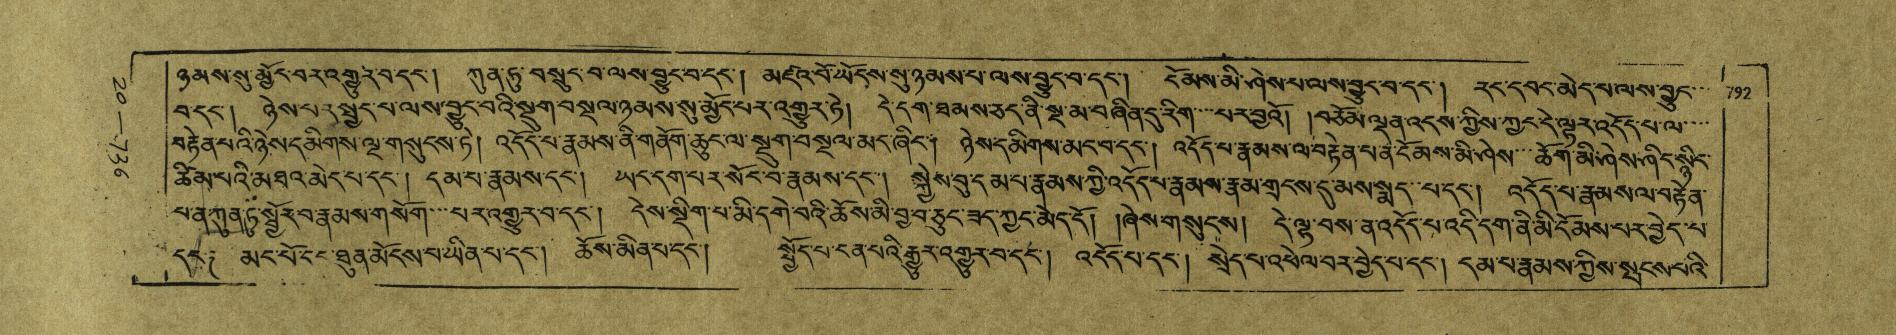ཉམས་སུ་མྱོང་བར་འགྱུར་བ་དང་། ཀུན་ཏུ་བསྲུང་བ་ལས་བྱུང་བ་དང་། མཛའ་བོ་ཡོངས་སུ་ཉམས་པ་ལས་བྱུང་བ་དང་། ངོམས་མི་ཤེས་པ་ལས་བྱུང་བ་དང་། རང་དབང་མེད་པ་ལས་བྱུང་
བ་དང་། ཉེས་པར་སྤྱད་པ་ལས་བྱུང་བའི་སྡུག་བསྔལ་ཉམས་སུ་མྱོང་པར་འགྱུར་ཏེ། དེ་དག་ཐམས་ཅད་ནི་སྔ་མ་བཞིན་དུ་རིག་པར་བྱའོ། །བཅོམ་ལྡན་འདས་ཀྱིས་ཀྱང་དེ་ལྟར་འདོད་པ་ལ་
བརྟེན་པའི་ཉེས་དམིགས་ལྔ་གསུངས་ཏེ། འདོད་པ་རྣམས་ནི་གོང་ཆུང་ལ་སྡུག་བསྔལ་མང་ཞིང་། ཉེས་དམིགས་མང་བ་དང་། འདོད་པ་རྣམས་ལ་བརྟེན་པ་ན་ངོམས་མི་ཤེས་ཆོག་མི་ཤེས་ཤིང་སྙིང་
ཚིམ་པའི་མཐའ་མེད་པ་དང་། དམ་པ་རྣམས་དང་། ཡང་དག་པར་སོང་བ་རྣམས་དང་། སྐྱེས་བུ་དམ་པ་རྣམས་ཀྱི་འདོད་པ་རྣམས་རྣམ་གྲངས་དུ་མས་སྨད་པ་དང་། འདོད་པ་རྣམས་ལ་བརྟེན་
པ་ན་ཀུན་ཏུ་སྦྱོར་བ་རྣམས་གསོག་པར་འགྱུར་བ་དང་། དེས་སྡིག་པ་མི་དགེ་བའི་ཆོས་མི་བྱ་བ་ཅུང་ཟད་ཀྱང་མེད་དོ། །ཞེས་གསུངས། དེ་ལྟ་བས་ན་འདོད་པ་འདི་དག་ནི་མི་ངོམས་པར་བྱེད་པ་
དང༑ མང་པོ་དང་ཐུན་མོངས་པ་ཡིན་པ་དང་། ཆོས་མིན་པ་དང་། སྤྱོད་པ་ངན་པའི་རྒྱུར་འགྱུར་བ་དང་། འདོད་པ་དང་། སྲེད་པ་འཕེལ་བར་བྱེད་པ་དང་། དམ་པ་རྣམས་ཀྱིས་སྤངས་པའི་